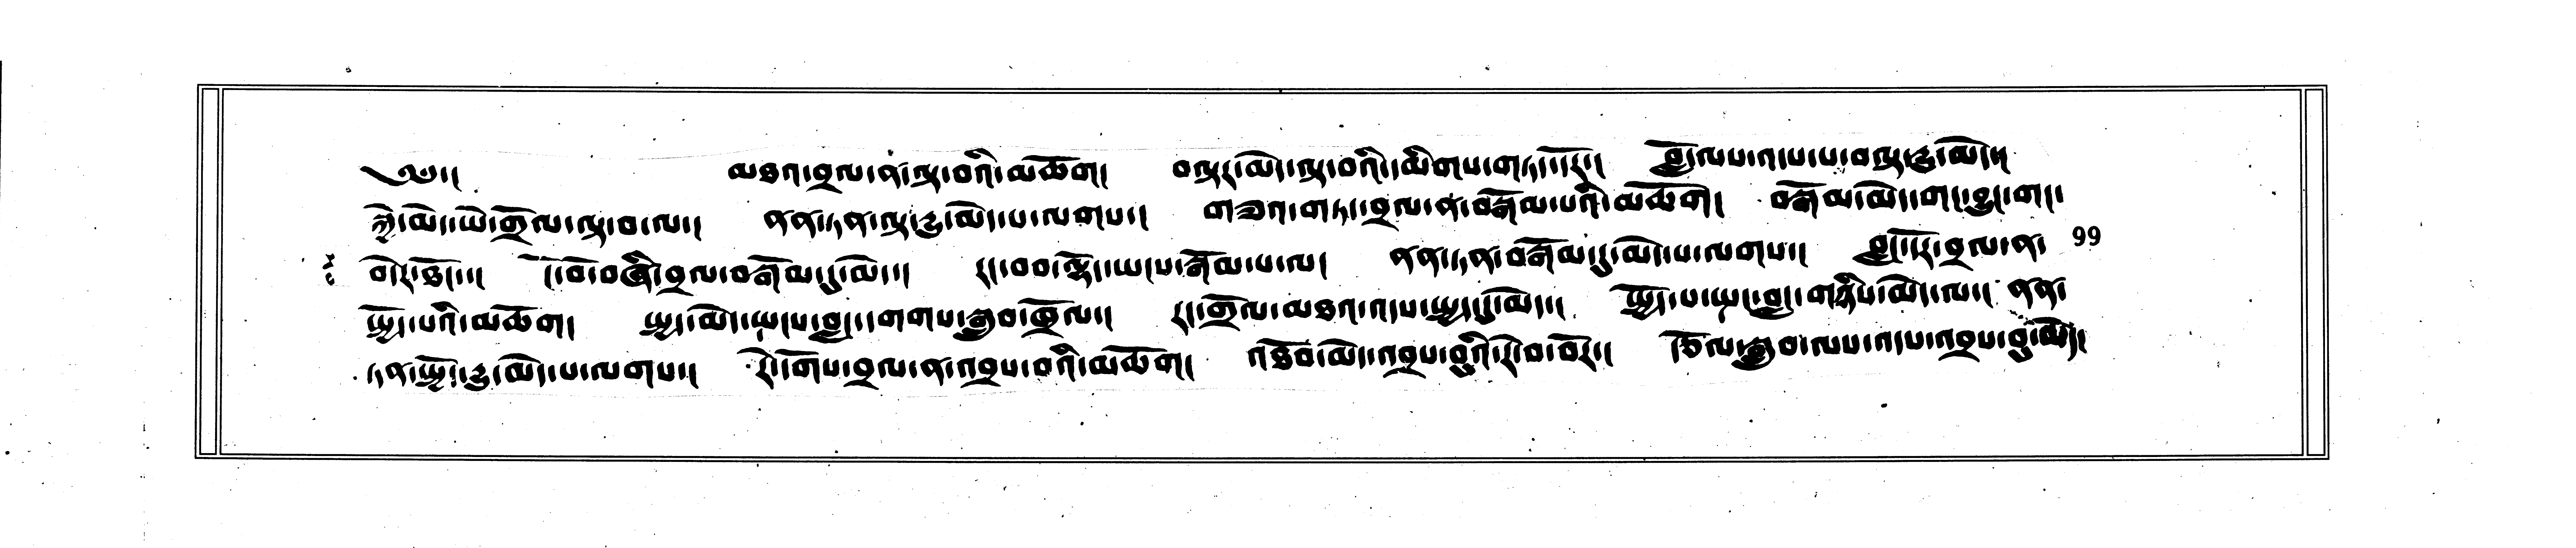མཐའ་བྲལ་ན་ལྟ་བའི་མཆོག །བལྟར་མེད་ལྟ་བའི་དམིགས་གཏད་དོར། །བློ་ལས་འདས་པ་བལྟ་རྒྱུ་མེད། །
སྐྱེ་མེད་ཡེ་གྲོལ་ལྟ་བ་ལ། །ནན་ཏན་ལྟ་རྒྱུ་མེད་པ་ལགས། །གཟའ་གཏད་བྲལ་ན་སྒོམ་པའི་མཆོག །སྒོམ་མེད་གང་བྱུང་གང་
བདེར་ཐོང་། །ངོ་བོ་བཞི་བྲལ་བསྒོམ་དུ་མེད། །རང་བབས་ལྷོད་ཡངས་སྒོམ་པ་ལ། །ནན་ཏན་བསྒོམ་དུ་མེད་པ་ལགས། །བླང་དོར་བྲལ་ན་
སྤྱོད་པའི་མཆོག །སྤྱད་མེད་སྤང་བླང་དགག་སྒྲུབ་གྲོལ། །རང་གྲོལ་མཐའ་འདས་སྤྱད་དུ་མེད། །སྤྱོད་པ་སྤང་བླང་གཉིས་མེད་ལ། །ནན་
ཏན་སྤྱོད་རྒྱུ་མེད་པ་ལགས། །རེ་དྭོགས་བྲལ་ན་འབྲས་བུའི་མཆོག །འཐོབ་མེད་འབྲས་བུའི་རེ་བ་བོར། །རྩོལ་སྒྲུབ་ལས་འདས་འབྲས་བུ་མེད། །